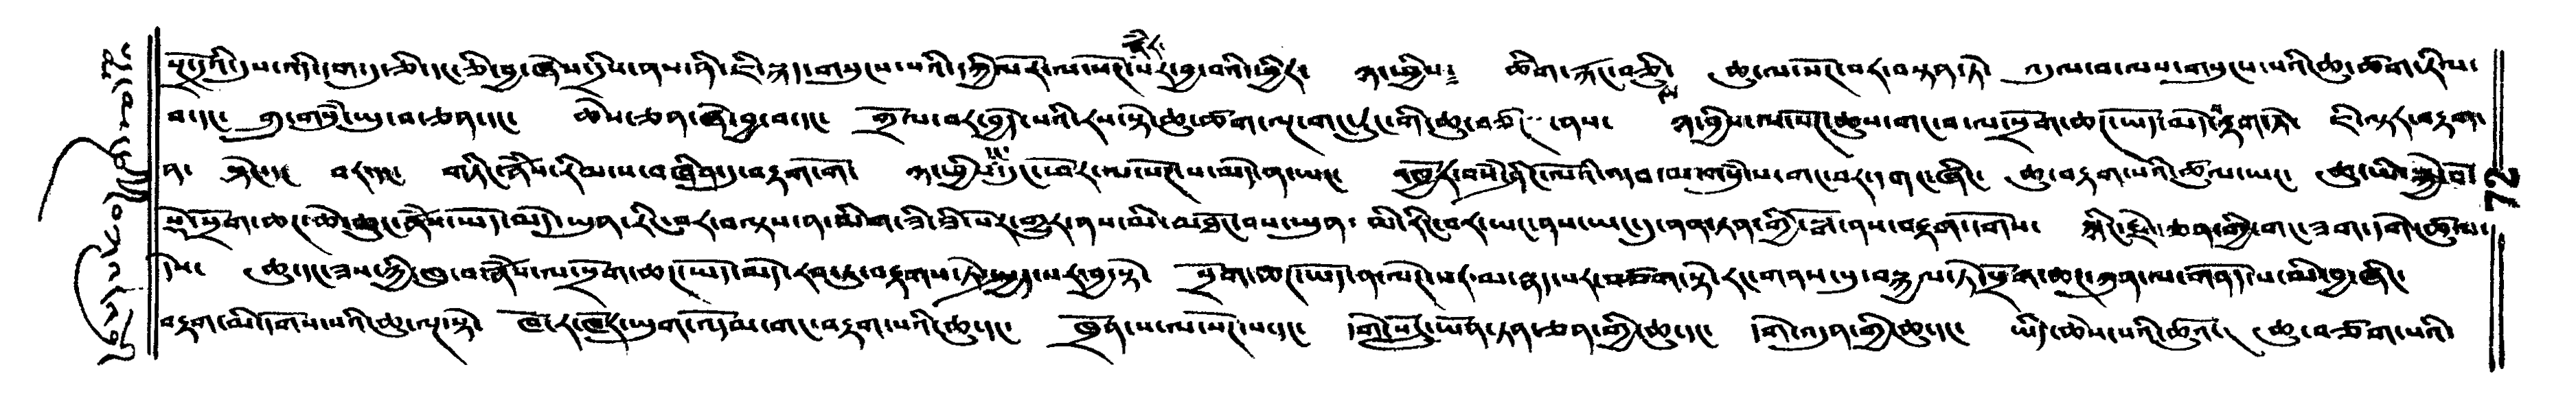སྔ་དྲོའི་དུས་འདི་དག་དུ་ཅི་དང་ཅི་བྱ་ཞེས་དྲིས་ནས་ནི། ཇི་སྐད་གསུངས་པའི་དཀྱིལ་འཁོར་ལ་སོགས་རྣམ་པར་བྱ་བའི་ཕྱིར། ཉ་ཕྱིས༴ ཚིག་རྐྱང་བཅུ་གཉིས། ཆུ་ལ་སོགས་བར་བསྟན་ཏེ། འདུལ་བ་ལས་གསུངས་པའི་ཆུ་ཚགས་རིལ་
བ་དང་། གྲུ་གསུམ་ཡུ་བ་ཅན་དང་། ( ཆེས་ཅན་ ?)ཞེས་བྱ་བ་དང་། གྲོལ་བར་བྱེད་པའི་རས་སྟེ་ཆུ་ཚགས་ལྔ་གང་རུང་གིས་ཆུ་བཙགས་ནས། ཉ་ཕྱིས་ལ་སོགས་ཆུས་གང་བ་ལ་སྲོག་ཆགས་ཡོད་མེད་བརྟག་ཏེ།ཇི་ལྟར་བརྟག་
ན། སྟེང་དང་། བར་དང་། གཏིང་རྣམས་རིམ་པ་བཞིན་དུ་བརྟག་གོ ཉ་ཕྱིས་དང་དུང་ཕོར་ལ་སོགས་པ་མེད་ན་ཡང་། ཁྱོར་བའམ་ཤིང་ལོའི་འདབ་མ་གསུམ་པས་གང་བར་དགང་ཞིང་། ཆུ་བརྟག་པའི་ཚུལ་ཡང་། ཆུ་ཡི་སྐྱེ་བོ་
སྟེ་སྲོག་ཆགས་ཆེ་ཆུང་རྣམས་ཡོད་མེད་ཡུན་རིང་བར་བལྟས་ན་མིག་ཟི་ཟི་པོར་གྱུར་ནས་མི་མཐོང་བས་ཡུན་མི་རིང་བར་ཡང་ནས་ཡང་དུ་ནན་ཏན་གྱི་སྒོ་ནས་བརྟག་དགོས། སྙིང་རྗེ་ཅན་གྱི་གང་ཟག་དགེ་ཚུལ་
དེས། ཆུ་དང་ཟས་ཀྱི་ཁུ་བ་རྣམས་ལ་སྲོག་ཆགས་ཡོད་མེད་རབ་ཏུ་བརྟགས་ཏེ་སྤྱད་པར་བྱ་སྟེ། སྲོག་ཆགས་ཡོད་ན་ལེགས་པར་མ་བསྣད་པར་བཙགས་ནས་རང་གནས་སུ་བསྐྱལ་ཏེ་སྲོག་ཆགས་ཀུན་ལ་གནོད་པ་མི་བྱ་ཞིང་། 
བརྟག་མི་དགོས་པའི་ཆུ་ལྔ་སྟེ། ཁོ་ར་ཁོར་ཡུག་འདོམ་གང་བརྟགས་པའི་ཆུ་དང་། ཁྲོན་པ་ལ་སོགས་པ་དང་། དགེ་སློང་ཡོན་ཏན་ཅན་གྱི་ཆུ་དང་། དགེ་འདུན་གྱི་ཆུ་དང་། ཡིད་ཆེས་པའི་ཆུའོ། ཆུ་བཙག་པའི་